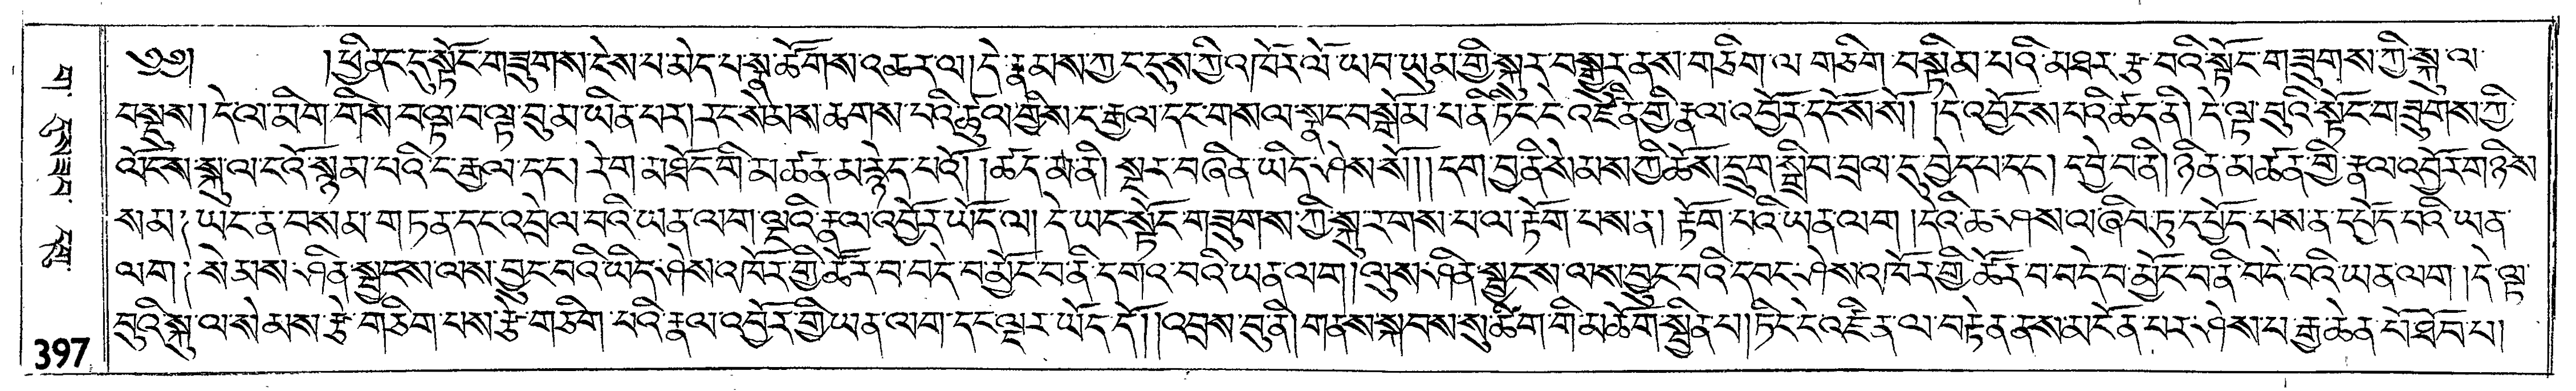༄༅། །ཕྱི་ནང་དུ་སྟོང་གཟུགས་ངེས་པ་མེད་པ་སྣ་ཚོགས་འཆར་ལ། དེ་རྣམས་ཀྱང་དུས་ཀྱི་འཁོར་ལོ་ཡབ་ཡུམ་གྱི་སྐུར་བསྒྱུར་ནས་གཅིག་ལ་གཅིག་བསྟིམ་པའི་མཐར་རྩ་བའི་སྟོང་གཟུགས་ཀྱི་སྐུ་ལ་
བསྡུས། དེ་ལ་མིག་གིས་བལྟ་བ་ལྟ་བུ་མ་ཡིན་པར། རང་སེམས་ཆགས་པའི་ཚུལ་གྱིས་ང་རྒྱལ་དང་གསལ་སྣང་བསྒོམ་པ་ནི་ཏིང་ངེ་འཛིན་གྱི་རྣལ་འབྱོར་དངོས་སོ། །དེ་འབྱོངས་པའི་ཚད་ནི། དེ་ལྟ་བུའི་སྟོང་གཟུགས་ཀྱི་
ལོངས་སྐུ་ལ་ངའོ་སྙམ་པའི་ང་རྒྱལ་དང་། རེག་མཐོང་གི་མཚན་མ་རྙེད་པའོ། །ཚད་མ་ནི། སྔར་བཞིན་ཡིད་ཤེས་སོ། །དག་བྱ་ནི་སེམས་ཀྱི་ཆོས་དྲུག་སྒྲིབ་བྲལ་དུ་བྱེད་པ་དང་། དབྱེ་བ་ནི། ཉིན་མཚན་གྱི་རྣལ་འབྱོར་གཉིས་
སམ། ཡང་ན་བསམ་གཏན་དང་འབྲེལ་བའི་ཡན་ལག་ལྔའི་རྣལ་འབྱོར་ཡོད་ལ། དེ་ཡང་སྟོང་གཟུགས་ཀྱི་སྐུ་རགས་པ་ལ་རྟོག་པས་ན། རྟོག་པའི་ཡན་ལག །དེའི་ཆ་ཤས་ལ་ཞིབ་ཏུ་དཔྱོད་པས་ན་དཔྱོད་པའི་ཡན་
ལག །སེམས་ཤིན་སྦྱངས་ལས་བྱུང་བའི་ཡིད་ཤེས་འཁོར་གྱི་ཚོར་བ་བདེ་བ་མྱོང་བ་ནི་དགའ་བའི་ཡན་ལག །ལུས་ཤིན་སྦྱངས་ལས་བྱུང་བའི་དབང་ཤེས་འཁོར་གྱི་ཚོར་བ་བདེ་བ་མྱོང་བ་ནི་བདེ་བའི་ཡན་ལག །དེ་ལྟ་
བུའི་སྐུ་ལས་སེམས་རྩེ་གཅིག་པས་རྩེ་གཅིག་པའི་རྣལ་འབྱོར་གྱི་ཡན་ལག་དང་ལྔར་ཡོད་དོ། །འབྲས་བུ་ནི། གནས་སྐབས་སུ་ཚིག་གི་མཆོག་སྦྱིན་པ། ཏིང་ངེ་འཛིན་ལ་བརྟེན་ནས་མངོན་པར་ཤེས་པ་རྒྱ་ཆེན་པོ་ཐོབ་པ།